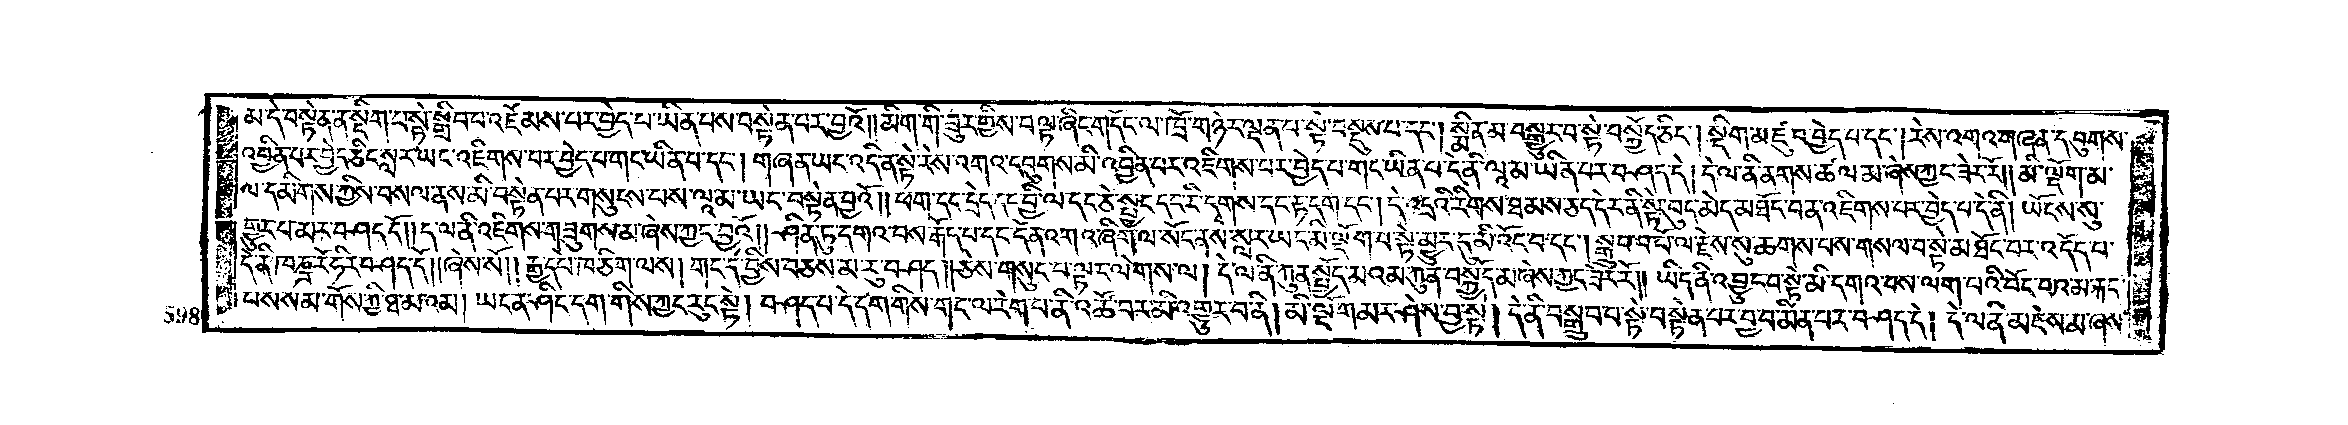མ་དེ་བསྟེན་ན་སྡིག་པ་སྟེ་སྒྲིབ་པ་འཇོམས་པར་བྱེད་པ་ཡིན་པས་བསྟེན་པར་བྱའོ། །མིག་གི་ཟུར་གྱིས་བལྟ་ཞིང་གདོང་ལ་ཁྲོ་གཉེར་ལྡན་པ་སྟེ་བསྡུས་པ་དང་། སྨིན་མ་བསྒྱུར་བ་སྟེ་བསྐྱོད་ཅིང་། སྡིག་མཛུབ་བྱེད་པ་དང་། རེས་འགའ་གཞན་དབུགས་
འབྱིན་པར་བྱེད་ཅིང་སླར་ཡང་འཇིགས་པར་བྱེད་པ་གང་ཡིན་པ་དང་། གཞན་ཡང་འདི་ན་སྟེ་རེས་འགའ་དབུགས་མི་འབྱིན་པར་འཇིགས་པར་བྱེད་པ་གང་ཡིན་པ་དེ་ནི་ལཱ་མ་ཡིན་པར་བཤད་དེ། དེ་ལ་ནི་ནགས་ཚལ་མ་ཞེས་ཀྱང་ཟེར་རི། །མི་ལྡོག་མ་
ལ་དམིགས་ཀྱིས་བསལ་ནས་མི་བསྟེན་པར་གསུངས་པས་ལཱ་མ་ཡང་བསྟེན་བྱའོ། །ཕག་དང་དྲེད་དང་བྱི་ལ་དང་ཅེས་སྤྱང་དང་རི་དྭགས་དང་རྟ་དག་དང་། དེ་འདྲའི་རིགས་ཐམས་ཅད་དེར་ནི་སྟེ་བུད་མེད་མཐོང་བ་ན་འཇིགས་པར་བྱེད་པ་དེ་ནི། ཡོངས་སུ་གྱུར་པ་མར་བཤད་དོ། །དེ་ལ་ནི་འཇིགས་གཟུགས་མ་ཞེས་ཀྱང་བྱའོ། །ཤིན་ཏུ་དགའ་བས་རྒོད་པ་དང་དོན་འགའ་ཞིག་ལ་སོང་ནས་སླར་ཡང་མི་ལྡོག་པ་སྟེ་མྱུར་དུ་མི་འོང་བ་དང་། སྒྲུབ་པ་པོ་ལ་རྗེས་སུ་ཆགས་པས་གསལ་བ་སྟེ་མཐོང་བར་འདོད་པ་
དེ་ནི་ཁཎྜ་རོ་ཧིར་བཤད་དོ། །ཞེས་སོ། །རྒྱ་དཔེ་ཁ་ཅིག་ལས། གང་དེ་བྱིས་བཅས་མ་རུ་བཤད། །ཅེས་གསུང་པ་ལྟར་ལེགས་ལ། དེ་ལ་ནི་ཀུན་སྤྱོད་མའམ་ཀུན་བསྐྱོད་མ་ཞེས་ཀྱང་ཟེར་རོ། །ཡིད་ནི་འབྱུང་བ་སྟེ་མི་དགའ་བས་ལག་པའི་བོང་བའམ་རྐང་
པས་སམ་གོས་ཀྱི་ཐ་མ་འམ། ཡང་ན་ཤིང་དག་གིས་ཀྱང་རུང་སྟེ། བཤད་པ་དེ་དག་གིས་གང་ལ་རིག་པ་ནི་འཚོ་བར་མི་འགྱུར་བ་ནི། མི་ལྡོག་མར་ཤེས་བྱ་སྟེ། དེ་ནི་བསྒྲུབ་པ་སྟེ་བསྟེན་པར་བྱ་བ་མིན་པར་བཤད་དེ། དེ་ལ་ནི་མཛེས་མ་ཞེས་